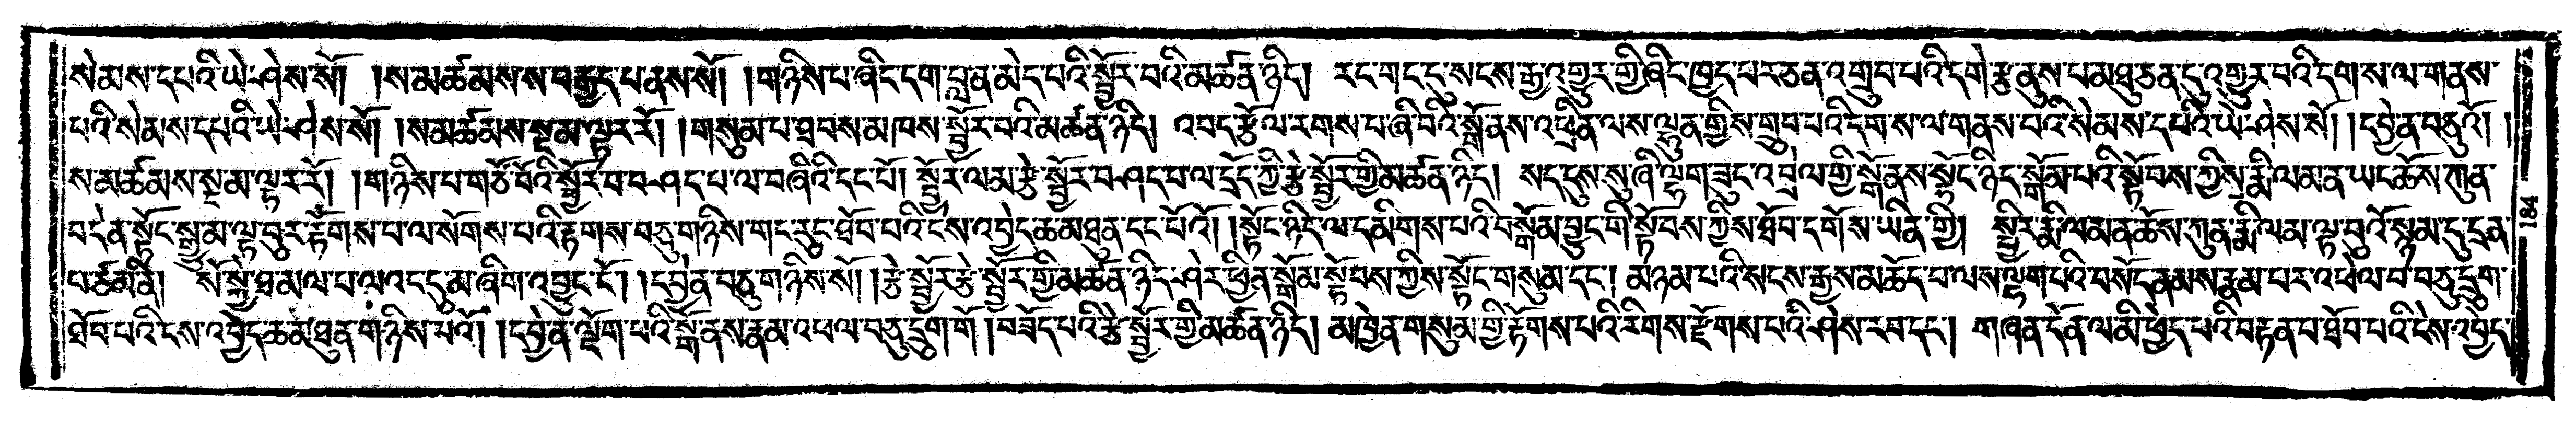སེམས་དཔའི་ཡེ་ཤེས་སོ། །ས་མཚམས་ས་བརྒྱད་པ་ནས་སོ། །གཉིས་པ་ཞིང་དག་བླ་ན་མེད་པའི་སྦྱོར་བའི་མཚན་ཉིད། རང་གང་དུ་སངས་རྒྱ་འགྱུར་གྱི་ཞིང་ཁྱད་པར་ཅན་འགྲུབ་པའི་དགེ་རྩ་ནུས་པ་མཐུ་ཅན་དུ་འགྱུར་བའི་དག་ས་ལ་གནས་
པའི་སེམས་དཔའི་ཡེ་ཤེས་སོ། །ས་མཚམས་སྔ་མ་ལྟར་རོ། །གསུམ་པ་ཐབས་མཁས་སྦྱོར་བའི་མཚན་ཉིད། འབད་རྩོལ་རགས་པ་ཞི་བའི་སྒོ་ནས་འཕྲིན་ལས་ལྷུན་གྱིས་གྲུབ་པའི་དག་ས་ལ་གནས་པའི་སེམས་དཔའི་ཡེ་ཤེས་སོ། །དབྱེ་ན་བཅུའོ། །
ས་མཚམས་སྔ་མ་ལྟར་རོ། །གཉིས་པ་གཙོ་བོའི་སྦྱོར་བ་བཤད་པ་ལ་བཞིའི་དང་པོ། སྦྱོར་ལམ་རྩེ་སྦྱོར་བཤད་པ་ལ་དྲོད་ཀྱི་རྩེ་སྦྱོར་གྱི་མཚན་ཉིད། སད་དུས་སུ་ཞི་ལྷག་ཟུང་འབྲེལ་གྱི་སྒོ་ནས་སྟོང་ཉིད་སྒོམ་པའི་སྟོབས་ཀྱིས་རྨི་ལམ་ན་ཡང་ཆོས་ཀུན་
བདེན་སྟོང་སྒྱུ་མ་ལྟ་བུར་རྟོགས་པ་ལ་སོགས་པའི་རྟགས་བཅུ་གཉིས་གང་རུང་ཐོབ་པའི་ངེས་འབྱེད་ཆ་མཐུན་དང་པོའོ། །སྟོང་ཉིད་ལ་དམིགས་པའི་བསྒོམ་བྱུང་གི་སྟོབས་ཀྱིས་ཐོབ་དགོས་ཡིན་གྱི། སྤྱིར་རྨི་ལམ་ན་ཆོས་ཀུན་རྨི་ལམ་ལྟ་བུའོ་སྙམ་དུ་དྲན་
པ་ཙམ་ནི། སོ་སྐྱེ་ཐ་མལ་པ་ལའང་དུ་མ་ཞིག་འབྱུང་ངོ། །དབྱེ་ན་བཅུ་གཉིས་སོ། །རྩེ་སྦྱོར་རྩེ་སྦྱོར་གྱི་མཚན་ཉིད་ཤེར་ཕྱིན་སྒོམ་སྟོབས་ཀྱིས་སྟོང་གསུམ་དང་། མཉམ་པའི་སངས་རྒྱས་མཆོད་པ་ལས་ལྷག་པའི་བསོད་ནམས་རྣམ་པར་འཕེལ་བ་བཅུ་དྲུག་
ཐོབ་པའི་ངས་འབྱེད་ཆ་མཐུན་གཉིས་པའོ། །དབྱེ་ན་ལྡོག་པའི་སྒོ་ནས་རྣམ་འཕལ་བཅུ་དྲུག་གོ །བཟོད་པའི་རྩེ་སྦྱོར་གྱི་མཚན་ཉིད། མཁྱེན་གསུམ་གྱི་རྟོགས་པའི་རིགས་རྫོགས་པའི་ཤེས་རབ་དང་། གཞན་དོན་ལ་མི་ཕྱེད་པའི་བརྟན་པ་ཐོབ་པའི་ངེས་འབྱེད་